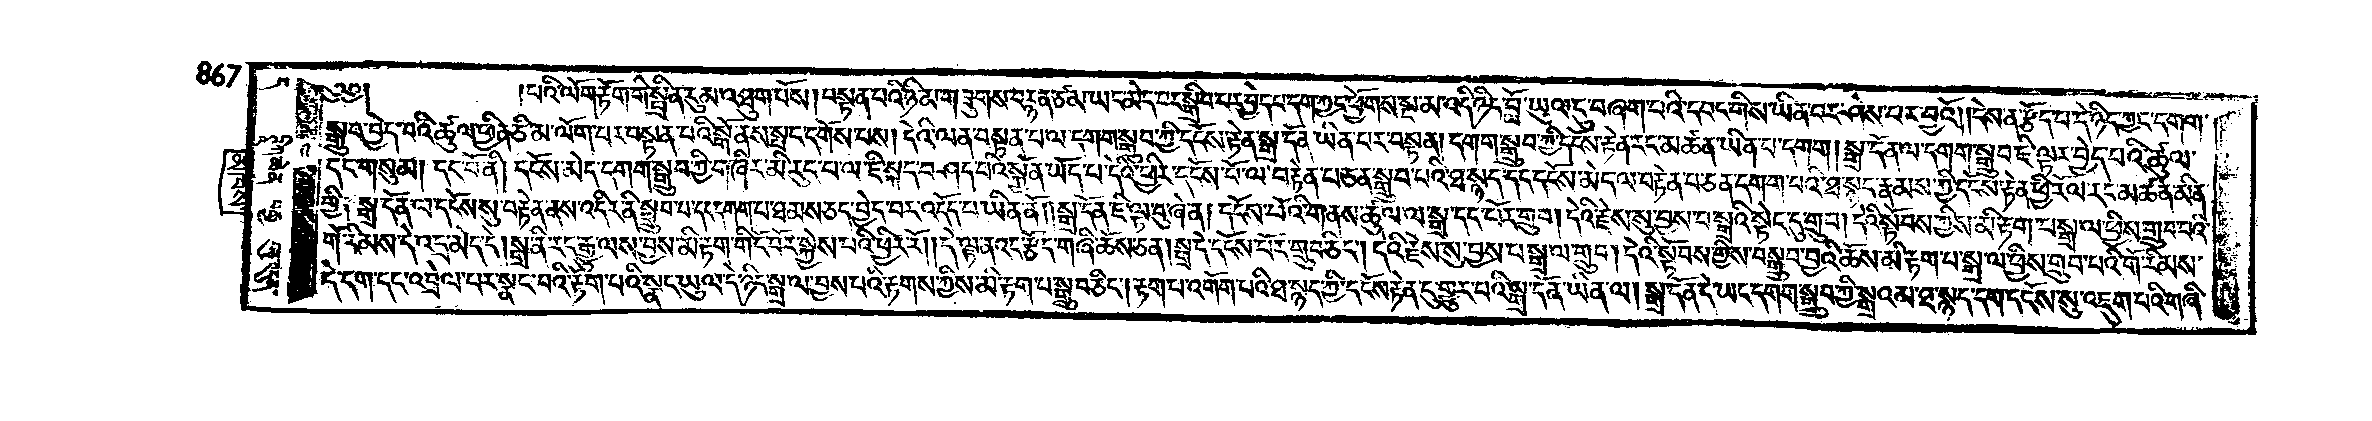༄༅། །པའི་ལོག་རྟོག་གི་སྤྲིན་རུམ་འཐུག་པོས། བསྟན་པའི་ཉི་མ་གཟུགས་བརྙན་ཙམ་ཡང་མེད་པར་སྒྲིབ་པར་བྱེད་པ་དག་ཀྱང་ཕྱོགས་སྔ་མ་འདི་ཉིད་བློ་ཡུལ་དུ་བཞག་པའི་དབང་གིས་ཡིན་པར་ཤེས་པར་བྱའོ། །དེས་ན་རྩོད་པ་དེ་ཉིད་ཀྱང་དགག་
སྒྲུབ་བྱེད་པའི་ཚུལ་ཕྱིན་ཅི་མ་ལོག་པར་བསྟན་པའི་སྒོ་ནས་སྤང་དགོས་པས། དེའི་ལན་བསྟན་པ་ལ་དགག་སྒྲུབ་ཀྱི་དངོས་རྟེན་སྒྲ་དོན་ཡིན་པར་བསྟན། དགག་སྒྲུབ་ཀྱི་དངོས་རྟེན་རང་མཚན་ཡིན་པ་དགག །སྒྲ་དོན་ལ་དགག་སྒྲུབ་ཇི་ལྟར་བྱེད་པའི་ཚུལ་
དང་གསུམ། དང་བོ་ནི། དངོས་མེད་དགག་སྒྲུབ་ཀྱི་གཞིར་མི་རུང་བ་ལ་ཇི་སྐད་བཤད་པའི་སྐྱོན་ཡོད་པ་དེའི་ཕྱིར་དངོས་པོ་ལ་བརྟེན་པ་ཅན་སྒྲུབ་པའི་ཐ་སྙད་དང་དངོས་མེད་ལ་བརྟེན་པ་ཅན་དགག་པའི་ཐ་སྙད་རྣམས་ཀྱི་དངོས་རྟེན་ཕྱི་རོལ་རང་མཚན་མིན་
གྱི། སྒྲ་དོན་ལ་དངོས་སུ་བརྟེན་ནས་འདིར་ནི་སྒྲུབ་པ་དང་དགག་པ་ཐམས་ཅད་བྱེད་པར་འདོད་པ་ཡིན་ནོ། །སྒྲ་དོན་ཇི་ལྟ་བུ་ཞེ་ན། དངོས་པོའི་གནས་ཚུལ་ལ་སྒྲ་དང་བོར་གྲུབ། དེའི་རྗེས་སུ་བྱས་པ་སྒྲུའི་སྟེང་དུ་གྲུབ། དེའི་སྟོབས་ཀྱིས་མི་རྟག་པ་སྒྲ་ལ་ཕྱིས་གྲུབ་པའི་
གོ་རིམས་དེ་འདྲ་མེད་དེ། སྒྲ་ནི་རང་རྒྱུ་ལས་བྱས་མི་རྟག་གི་ངོ་བོར་སྐྱེས་པའི་ཕྱིར་རོ། །དེ་ལྟ་ནའང་རྩོད་གཞི་ཆོས་ཅན། སྒྲ་དེ་དངོས་པོར་གྲུབ་ཅིང་། དེའི་རྗེས་སུ་བྱས་པ་སྒྲ་ལ་གྲུབ། དེའི་སྟོབས་ཀྱིས་བསྒྲུབ་བྱའི་ཆོས་མི་རྟག་པ་སྒྲ་ལ་ཕྱིས་གྲུབ་པའི་གོ་རིམས་
དེ་དག་དང་འབྲེལ་བར་སྣང་བའི་རྟོག་པའི་སྣང་ཡུལ་དེ་ཉིད་སྒྲ་ལ་བྱས་པའི་རྟགས་ཀྱིས་མི་རྟག་པ་སྒྲུབ་ཅིང་། རྟག་པ་འགོག་པའི་ཐ་སྙད་ཀྱི་དངོས་རྟེན་དུ་གྱུར་བའི་སྒྲ་དོན་ཡིན་ལ། སྒྲ་དོན་དེ་ཡང་དགག་སྒྲུབ་ཀྱི་སྒྲའམ་ཐ་སྙད་དག་དངོས་སུ་འཇུག་པའི་གཞི་